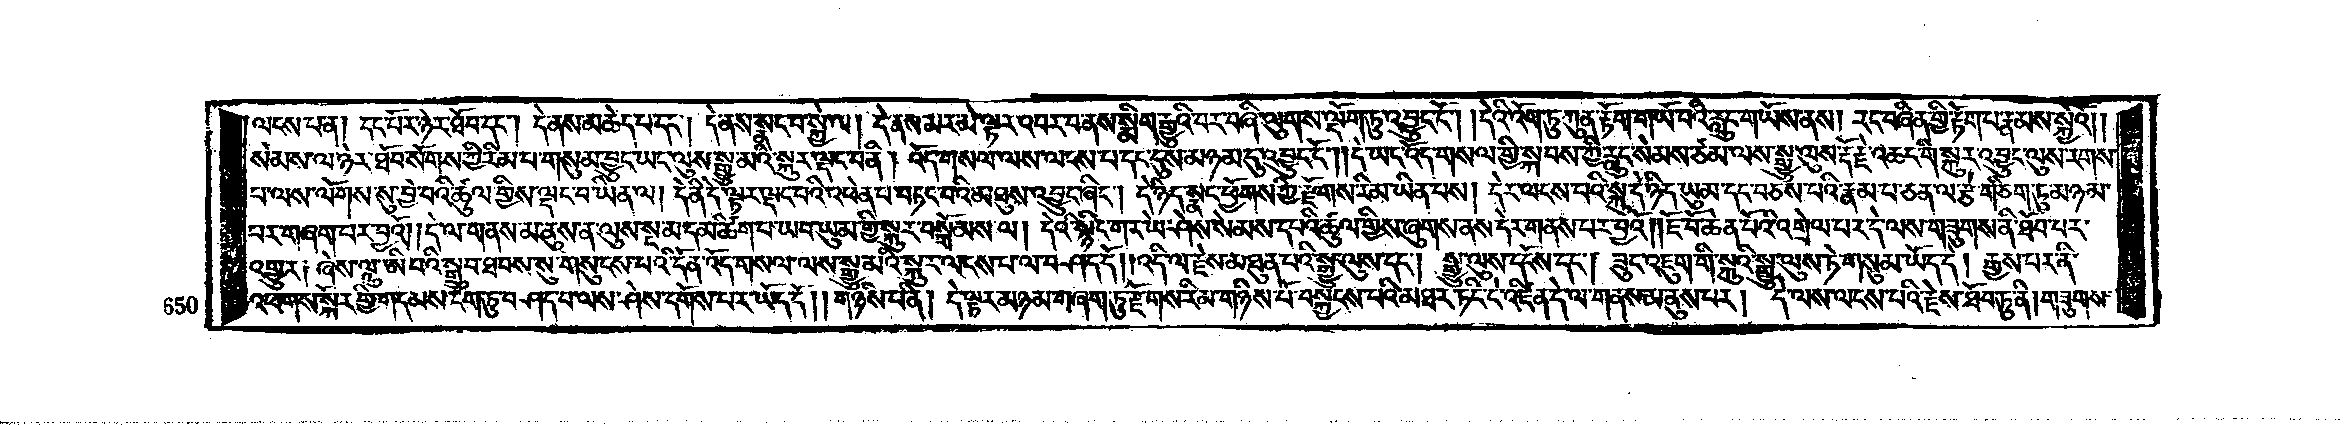ལངས་པ་ན། དང་པོར་ཉེར་ཐོབ་དང་། དེ་ནས་མཆེད་པ་དང་། དེ་ནས་སྣང་བ་སྐྱེ་ལ། དེ་ནས་མར་མེ་ལྟར་འབར་བ་ནས་སྨིག་རྒྱུའི་བར་བཞི་ལུགས་ལྡོག་ཏུ་འབྱུང་ངོ། །དེའི་འོག་ཏུ་ཀུན་རྟོག་གཡོ་བའི་རླུང་གཡོས་ནས། རང་བཞིན་གྱི་རྟོག་པ་རྣམས་སྐྱེའོ། །
སེམས་ལ་ཉེར་ཐོབ་སོགས་ཀྱི་རིམ་པ་གསུམ་བྱུང་ཡང་ལུས་སྒྱུ་མའི་སྐུར་ལྡང་བ་ནི། འོད་གསལ་ལས་ལངས་པ་དང་དུས་མཉམ་དུ་འབྱུང་ངོ། །དེ་ཡང་འོད་གསལ་གྱི་སྐབས་ཀྱི་རླུང་སེམས་ཙམ་ལས་སྒྱུ་ལུས་རྡོ་རྗེ་འཆང་གི་སྐུར་འབྱུང་ལུས་རགས་
པ་ལས་ལོགས་སུ་བྱེ་བའི་ཚུལ་གྱིས་ལྡང་བ་ཡིན་ལ། དེ་ནི་དེ་ལྟར་ལྡང་པའི་འཕེན་པ་བཏང་བའི་མཐུས་འབྱུང་ཞིང་། དེ་ཉིད་སྣང་ཕྱོགས་ཀྱི་རྫོགས་རིམ་ཡིན་པས། དེར་ལངས་པའི་སྐུ་དེ་ཉིད་ཡུམ་དང་བཅས་པའི་རྣམ་པ་ཅན་ལ་རྩེ་གཅིག་ཏུ་མཉམ་
པར་གཞག་པར་བྱའོ། །དེ་ལ་གནས་མ་ནུས་ན་ལུས་སྔ་མ་དམ་ཚིག་པ་ཡབ་ཡུམ་གྱི་སྐུར་བསྒོམས་ལ། དེའི་སྙིང་གར་ཡེ་ཤེས་སེམས་དཔའི་ཚུལ་གྱིས་ཞུགས་ནས་དེར་གནས་པར་བྱའོ། །ཇོ་བོ་ཆེན་པོའི་འགྲེལ་པར་དེ་ལས་གཟུགས་ནི་ཐོབ་པར་
འགྱུར། ཞེས་ལཱུ་ཨི་པའི་སྒྲུབ་ཐབས་སུ་གསུངས་པའི་དོན་འོད་གསལ་ལས་སྒྱུ་མའི་སྐུར་ལངས་པ་ལ་བཤད་དེ། །འདི་ལ་རྗེས་མཐུན་པའི་སྒྱུ་ལུས་དང་། སྒྱུ་ལུས་དངོས་དང་། ཟུང་འཇུག་གི་སྐུའི་སྒྱུ་ལུས་ཏེ་གསུམ་ཡོད་དེ། རྒྱས་པར་ནི་
འཕགས་སྐོར་གྱི་གདམས་ངག་ཏུ་བཤད་པ་ལས་ཤེས་དགོས་པར་ཡོད་དོ། །གཉིས་པ་ནི། དེ་ལྟར་མཉམ་གཞག་ཏུ་རྫོགས་རིམ་གཉིས་པོ་བསྐྱངས་པའི་མཐར་ཏིང་ངེ་འཛིན་དེ་ལ་གནས་མ་ནུས་པར། དེ་ལས་ལངས་པའི་རྗེས་ཐོབ་ཏུ་ནི། གཟུགས་